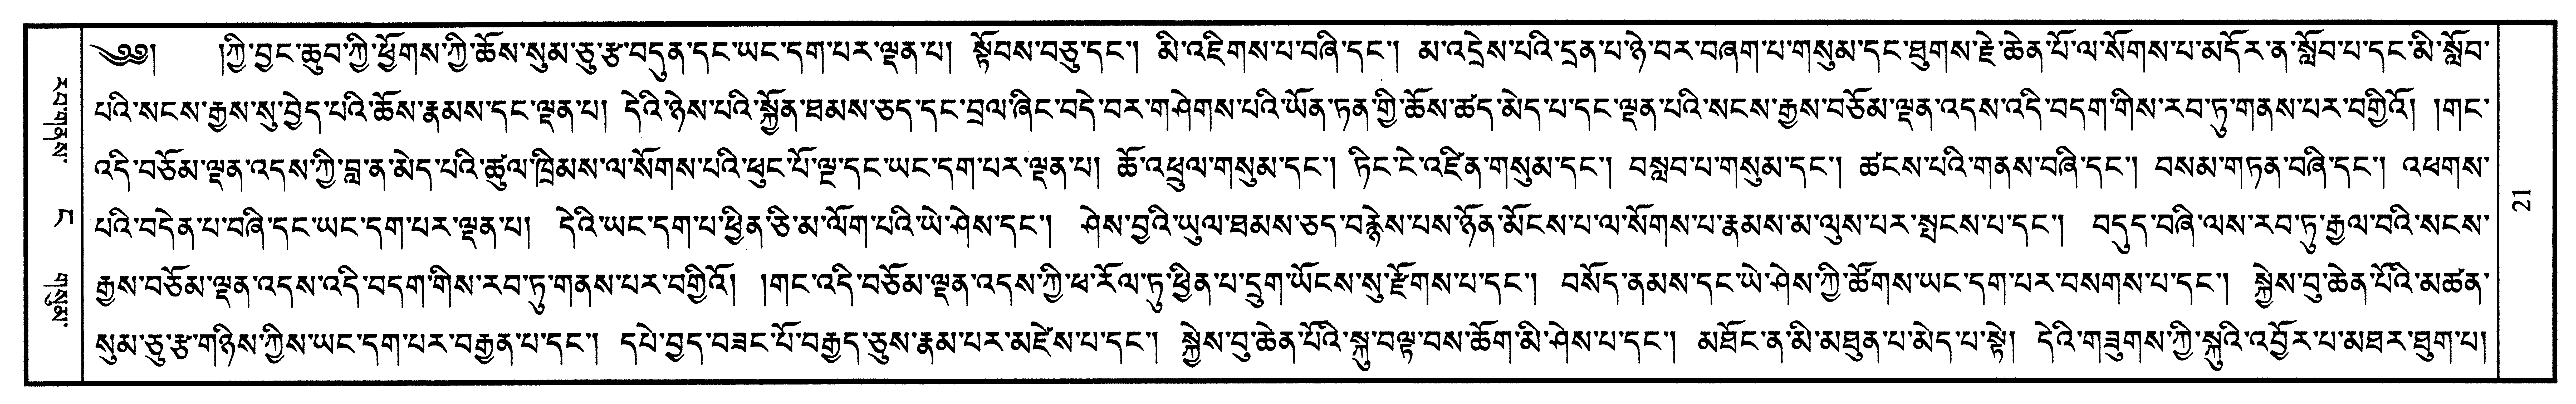༄༅། །ཀྱི་བྱང་ཆུབ་ཀྱི་ཕྱོགས་ཀྱི་ཆོས་སུམ་ཅུ་རྩ་བདུན་དང་ཡང་དག་པར་ལྡན་པ། སྟོབས་བཅུ་དང་། མི་འཇིགས་པ་བཞི་དང་། མ་འདྲེས་པའི་དྲན་པ་ཉེ་བར་བཞག་པ་གསུམ་དང་ཐུགས་རྗེ་ཆེན་པོ་ལ་སོགས་པ་མདོར་ན་སློབ་པ་དང་མི་སློབ་
པའི་སངས་རྒྱས་སུ་བྱེད་པའི་ཆོས་རྣམས་དང་ལྡན་པ། དེའི་ཉེས་པའི་སྐྱོན་ཐམས་ཅད་དང་བྲལ་ཞིང་བདེ་བར་གཤེགས་པའི་ཡོན་ཏན་གྱི་ཆོས་ཚད་མེད་པ་དང་ལྡན་པའི་སངས་རྒྱས་བཅོམ་ལྡན་འདས་འདི་བདག་གིས་རབ་ཏུ་གནས་པར་བགྱིའོ། །གང་
འདི་བཅོམ་ལྡན་འདས་ཀྱི་བླ་ན་མེད་པའི་ཚུལ་ཁྲིམས་ལ་སོགས་པའི་ཕུང་པོ་ལྔ་དང་ཡང་དག་པར་ལྡན་པ། ཆོ་འཕྲུལ་གསུམ་དང་། ཏིང་ངེ་འཛིན་གསུམ་དང་། བསླབ་པ་གསུམ་དང་། ཚངས་པའི་གནས་བཞི་དང་། བསམ་གཏན་བཞི་དང་། འཕགས་
པའི་བདེན་པ་བཞི་དང་ཡང་དག་པར་ལྡན་པ། དེའི་ཡང་དག་པ་ཕྱིན་ཅི་མ་ལོག་པའི་ཡེ་ཤེས་དང་། ཤེས་བྱའི་ཡུལ་ཐམས་ཅད་བརྙེས་པས་ཉོན་མོངས་པ་ལ་སོགས་པ་རྣམས་མ་ལུས་པར་སྤངས་པ་དང་། བདུད་བཞི་ལས་རབ་ཏུ་རྒྱལ་བའི་སངས་
རྒྱས་བཅོམ་ལྡན་འདས་འདི་བདག་གིས་རབ་ཏུ་གནས་པར་བགྱིའོ། །གང་འདི་བཅོམ་ལྡན་འདས་ཀྱི་ཕ་རོལ་ཏུ་ཕྱིན་པ་དྲུག་ཡོངས་སུ་རྫོགས་པ་དང་། བསོད་ནམས་དང་ཡེ་ཤེས་ཀྱི་ཚོགས་ཡང་དག་པར་བསགས་པ་དང་། སྐྱེས་བུ་ཆེན་པོའི་མཚན་
སུམ་ཅུ་རྩ་གཉིས་ཀྱིས་ཡང་དག་པར་བརྒྱན་པ་དང་། དཔེ་བྱད་བཟང་པོ་བརྒྱད་ཅུས་རྣམ་པར་མཛེས་པ་དང་། སྐྱེས་བུ་ཆེན་པོའི་སྐུ་བལྟ་བས་ཆོག་མི་ཤེས་པ་དང་། མཐོང་ན་མི་མཐུན་པ་མེད་པ་སྟེ། དེའི་གཟུགས་ཀྱི་སྐུའི་འབྱོར་པ་མཐར་ཐུག་པ།